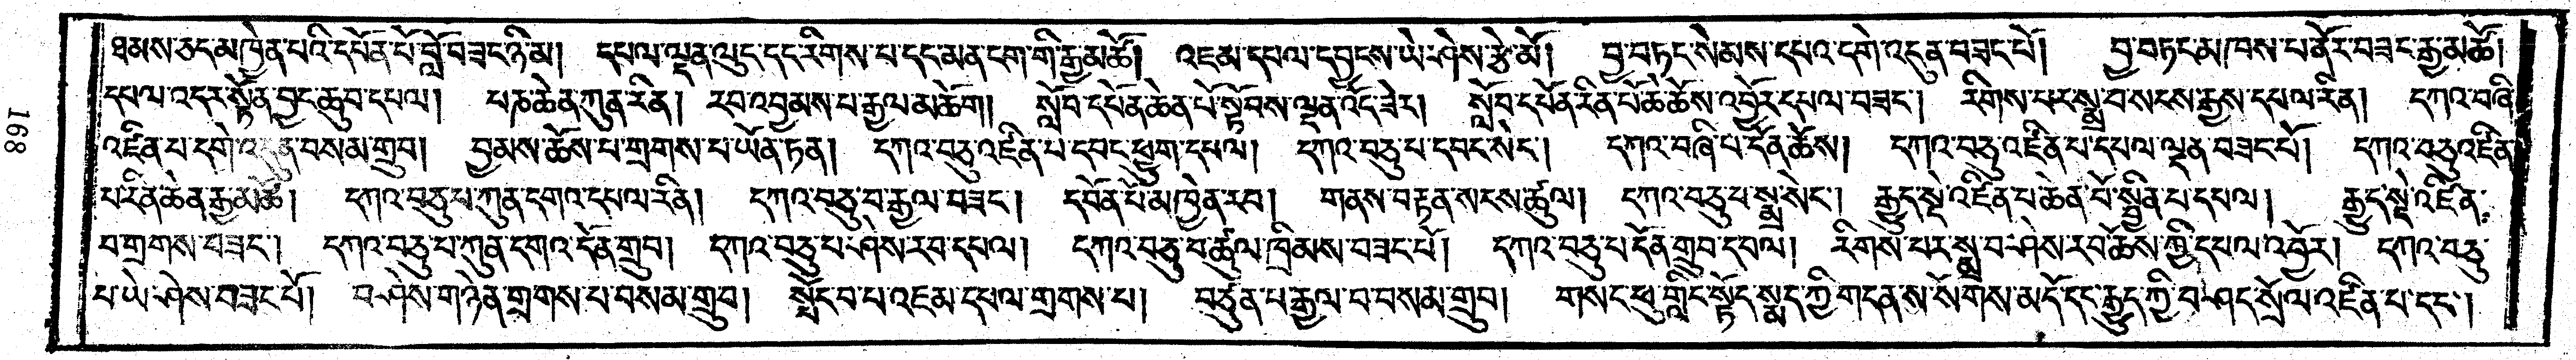ཐམས་ཅད་མཁྱེན་པའི་དཔོན་པོ་བློ་བཟང་ཉི་མ། དཔལ་ལྡན་ལུང་དང་རིགས་པ་དང་མན་ངག་གི་རྒྱ་མཚོ། འཇམ་དཔལ་དབྱངས་ཡེ་ཤེས་རྩེ་མོ། བྱ་བཏང་སེམས་དཔའ་དགེ་འདུན་བཟང་པོ། བྱ་བཏང་མཁས་པ་ནོར་བཟང་རྒྱ་མཚོ།
དཔལ་འདར་སྟོན་བྱང་ཆུབ་དཔལ། པཎ་ཆེན་ཀུན་རིན། རབ་འབྱམས་པ་རྒྱལ་མཆོག། སློབ་དཔོན་ཆེན་པོ་སྟོབས་ལྡན་འོད་ཟེར། སློབ་དཔོན་རིན་པོ་ཆེ་ཆོས་འབྱོར་དཔལ་བཟང་། རིགས་པར་སྨྲ་བ་སངས་རྒྱས་དཔལ་རིན། དཀའ་བཞི་
འཛིན་པ་དགེ་འདུན་བསམ་གྲུབ། བྱམས་ཆོས་པ་གྲགས་པ་ཡོན་ཏན། དཀའ་བཅུ་འཛིན་པ་དབང་ཕྱུག་དཔལ། དཀའ་བཅུ་པ་དབང་སེང་། དཀའ་བཞི་པ་དོན་ཆོས། དཀའ་བཅུ་འཛིན་པ་དཔལ་ལྡན་བཟང་པོ། དཀའ་བཅུ་འཛིན་
པ་རིན་ཆེན་རྒྱ་མཚོ། དཀའ་བཅུ་པ་ཀུན་དགའ་དཔལ་རིན། དཀའ་བཅུ་བ་རྒྱལ་བཟང་། དཔོན་པོ་མཁྱེན་རབ། གནས་བརྟན་སངས་ཚུལ། དཀའ་བཅུ་པ་སྨྲ་སེང་། རྒྱུད་སྡེ་འཛིན་པ་ཆེན་པོ་སྦྱིན་པ་དཔལ། རྒྱུད་སྡེ་འཛིན་
བ་གྲགས་བཟང་། དཀའ་བཅུ་པ་ཀུན་དགའ་དོན་གྲུབ། དཀའ་བཅུ་པ་ཤེས་རབ་དཔལ། དཀའ་བཅུ་བ་ཚུལ་ཁྲིམས་བཟང་པོ། དཀའ་བཅུ་པ་དོན་གྲུབ་དཔལ། རིགས་པར་སྨྲ་བ་ཤེས་རབ་ཆོས་ཀྱི་དཔལ་འབྱོར། དཀའ་བཅུ་
པ་ཡེ་ཤེས་བཟང་པོ། བཤེས་གཉེན་གྲགས་པ་བསམ་གྲུབ། སྤོང་བ་པ་འཇམ་དཔལ་གྲགས་པ། བཙུན་པ་རྒྱལ་བ་བསམ་གྲུབ། གསང་ཕུ་གླིང་སྟོད་སྨད་ཀྱི་གདན་ས་སོགས་མདོ་དང་རྒྱུད་ཀྱི་བཤད་སྲོལ་འཛིན་པ་དང་།